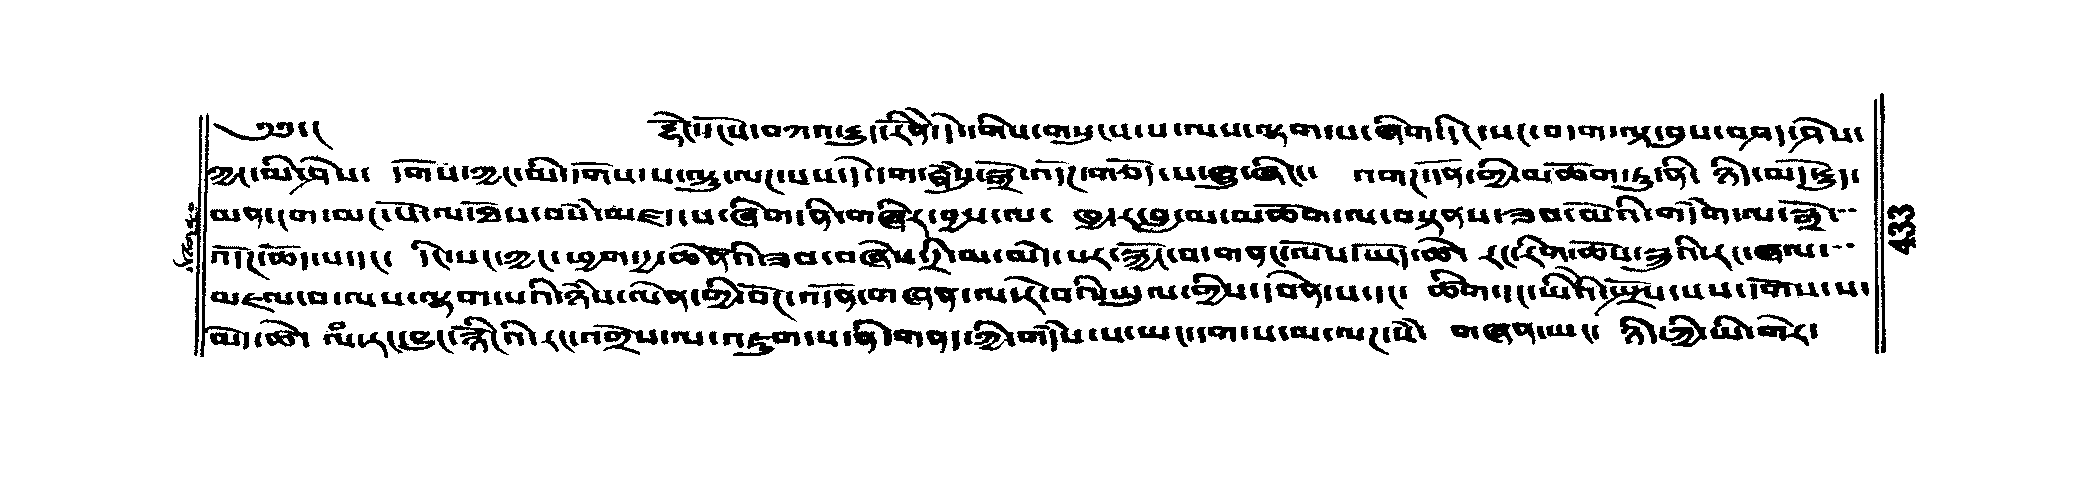རྡོ་རྗེ་འཆང་དངོས་བཀའ་རྒྱུད་རིན་པོ་ཆེ་དེ་དག་གིས་གསུངས་པས་ལས་ལྷག་པ་ཞིག་དིང་སང་བདག་ལྟ་བུས་བཤད་
ཀྱང་མི་ཤེས། དགོས་ཀྱང་མི་དགོས་པ་ལྟ་བུ་ལགས་པས་དེ་དག་རྣམས་སུ་སྒྲོ་འདོགས་གཅོད་པ་ཞུ་ཞིང་། འགགས་དོན་གྱི་མཆོག་ཏུ་ནི། ཉིད་མ་མདོ་རྒྱུད་
མན་ངག་མང་པོ་ལ་ཐོས་བསམ་་མཛད་པ་ཞིག་ནི་གཞིར་བྱས་ལ། ཁྱད་པར་བླ་མ་མཆོག་ལ་བསྟན་ནས་ཟབ་མོའི་གདམས་ངག་ལ་སྒྲོ་
འདོགས་ཆོད་པ་དང་། དིང་སང་ཀྱང་ཕྱག་རྒྱ་ཆེན་པོའི་ཟབ་བཞེས་དྲི་མ་མེད་པར་སྐྱོང་བ་གནང་ལོས་ཡོད་ཚེ། རང་རིག་ཆོས་སྐུའི་རང་ཞལ་
མཇལ་བ་ལས་ལྷག་པའི་ཉམས་ལེན་གྱི་བོགས་འདོན་གཞན་ལ་རེ་བའི་ཡུལ་གྱིས་དབེན་པ་དང་། ཚིག་དང་ཡི་གེའི་སྤྲོས་པས་དགོས་པ་
མེད་ཚེ། ལམ་རང་བྱུང་སྙིང་རྗེའི་རང་འགྲེལ་ལ་འཇུག་པ་ནི་གནད་ཀྱི་གདམས་པ་ཡང་དག་པ་ལ་ལགས་སམ། གཞན་ཡང་ཉིད་ཀྱི་ཡི་གེར་